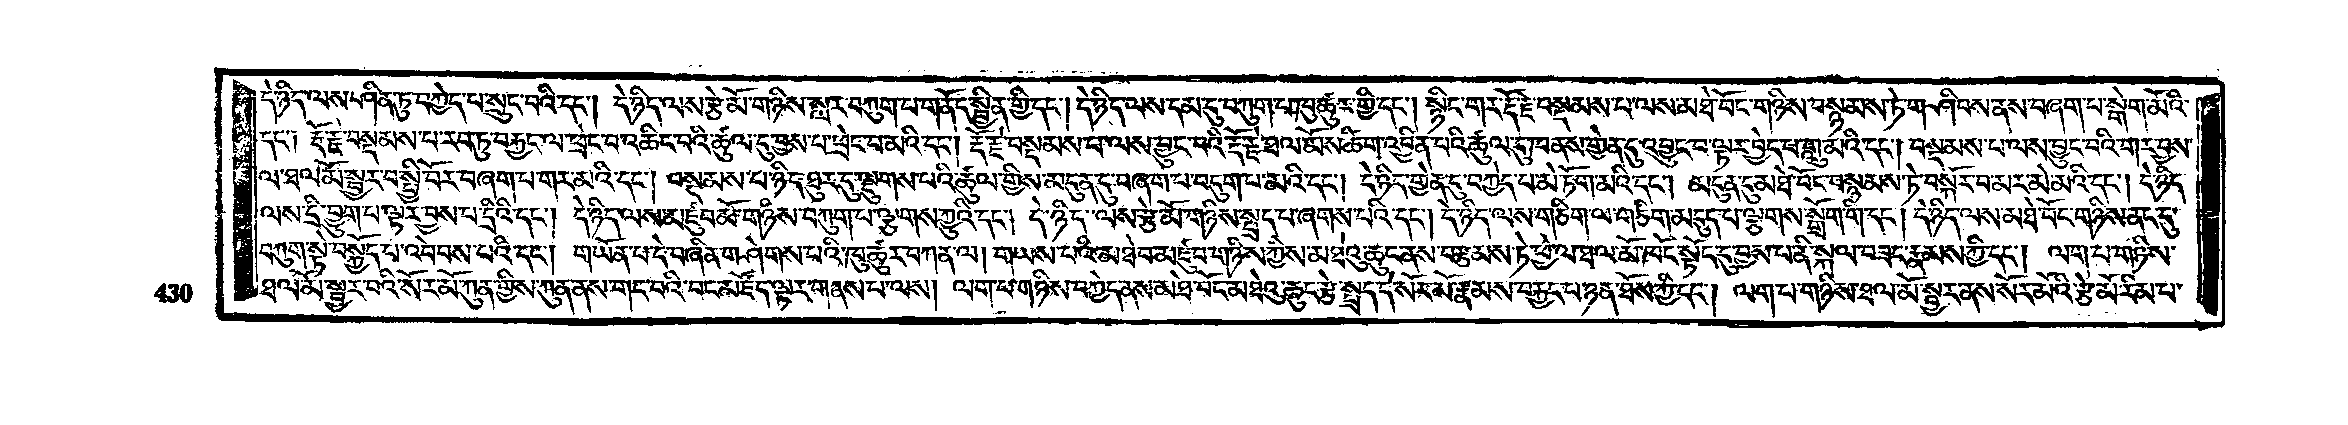དེ་ཉིད་ལས་ཤིན་ཏུ་བཀྱེད་པ་སྲུང་བའི་དང་། དེ་ཉིད་ལས་རྩེ་མོ་གཉིས་སླར་བཀུག་པ་གནོད་སྦྱིན་གྱི་དང་། དེ་ཉིད་ལས་དམ་དུ་བཀུག་པ་ཁུ་ཚུར་གྱི་དང་། སྙིང་གར་རྡོ་རྗེ་བསྡམས་པ་ལས་མཐེ་བོང་གཉིས་བསྙམས་ཏེ་གཤིབས་ནས་བཞག་པ་སྒེག་མོའི་
དང་། རྡོ་རྗེ་བསྡམས་པ་རབ་ཏུ་བརྐྱང་ལ་ཕྲེང་བ་འཆིང་བའི་ཚུལ་དུ་བྱས་པ་ཕྲེང་བ་མའི་དང་། རྡོ་རྗེ་བསྡམས་པ་ལས་བྱུང་བའི་རྡོ་རྗེ་ཐལ་མོས་ཚིག་འབྱིན་པའི་ཚུལ་དུ་ཁ་ནས་གྱེན་དུ་འབྱུང་བ་ལྟར་བྱེད་པ་གླུ་མའི་དང་། བསྡམས་པ་ལས་བྱུང་བའི་གར་བྱས་
ལ་ཐལ་མོ་སྦྱར་བ་སྤྱི་བོར་བཞག་པ་གར་མའི་དང་། བསྡམས་པ་ཉིད་ཐུར་དུ་ལྡུགས་པའི་ཚུལ་གྱིས་མདུན་དུ་བཞག་པ་བདུག་པ་མའི་དང་། དེ་ཉིད་གྱེན་དུ་བཀྱེད་པ་མེ་ཏོག་མའི་དང་། མདུན་དུ་མཐེ་བོང་བསྙམས་ཏེ་བསྐོར་བ་མར་མེ་མའི་དང་། དེ་ཉིད་
ལས་དྲི་བྱུག་པ་ལྟར་བྱས་པ་དྲིའི་དང་། དེ་ཉིད་ལས་མཛུབ་མོ་གཉིས་བཀུག་པ་ལྕགས་ཀྱུའི་དང་། དེ་ཉིད་ལས་རྩེ་མོ་གཉིས་སྤྲད་པ་ཞགས་པའི་དང་། དེ་ཉིད་ལས་གཅིག་ལ་གཅིག་མདུད་པ་ལྕགས་སྒྲོག་གི་དང་། དེ་ཉིད་ལས་མཐེ་བོང་གཉིས་ནང་དུ་
བཀུག་སྟེ་བསྐྱོད་པ་འབེབས་པའི་དང་། གཡོན་པ་དེ་བཞིན་གཤེགས་པའི་ཁུ་ཚུར་བཀན་ལ། གཡས་པའི་མཐེབ་མཛུབ་གཉིས་ཀྱིས་མཐེའུ་ཆུང་ནས་བརྩམས་ཏེ་ཕྱེ་ལ་ཐལ་མོ་ཁོང་སྟོང་དུ་བྱས་པ་ནི་སྐལ་བཟང་རྣམས་ཀྱི་དང་། ལག་པ་གཉིས་
ཐལ་མོ་སྦྱར་བའི་སོར་མོ་ཀུན་གྱིས་ཀུན་ནས་གང་བའི་བང་མཛོད་ལྟར་གནས་པ་ལས། ལག་པ་གཉིས་བཀྱེད་ནས་མཐེ་བོང་མཐེའུ་ཆུང་རྩེ་སྤྲད་དེ་སོར་མོ་རྣམས་བརྐྱང་པ་ཉན་ཐོས་ཀྱི་དང་། ལག་པ་གཉིས་ཐལ་མོ་སྦྱར་ནས་སོར་མོའི་རྩེ་མོ་རིམ་པ་